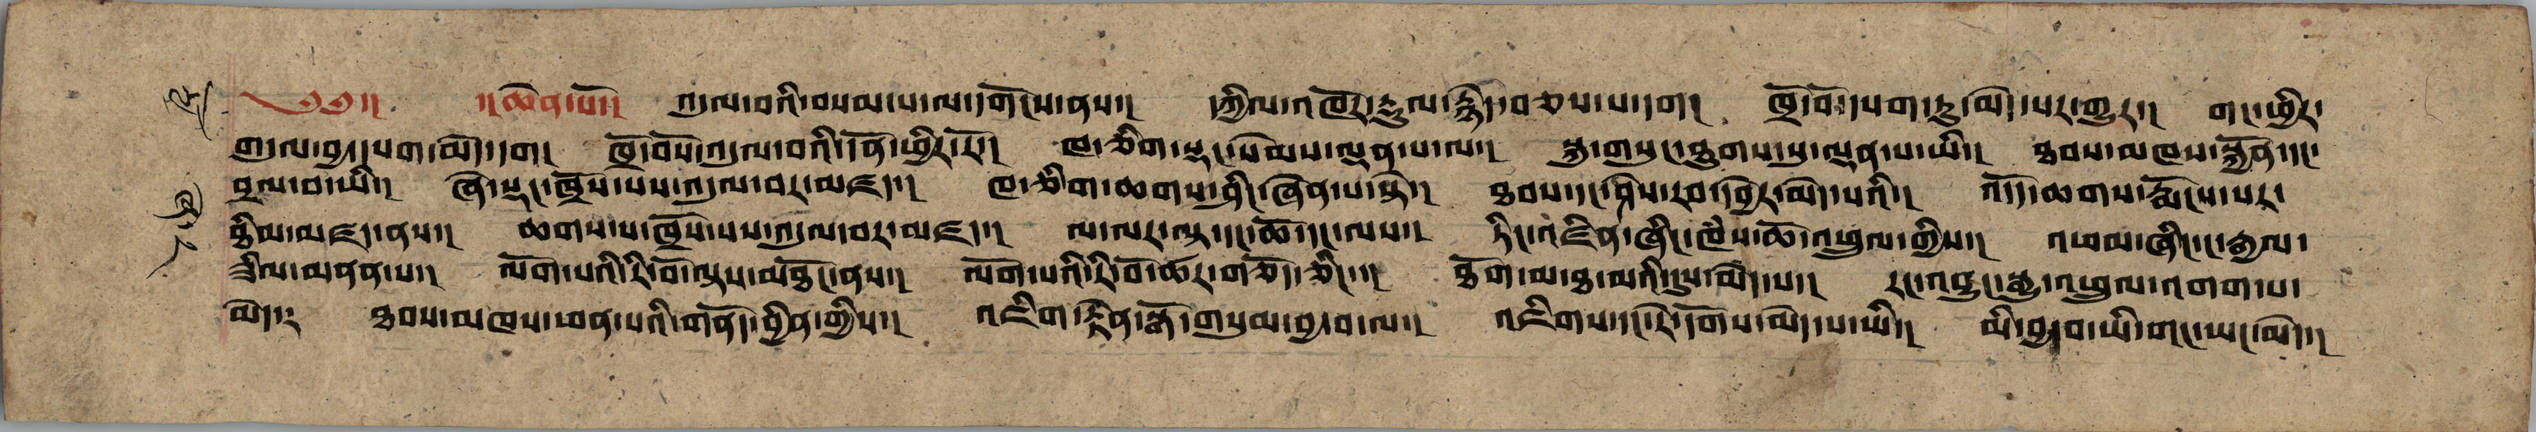༄༅་། ་།ཆེན་པོ་། འདུལ་བའི་བསམ་པ་ལ་དགོངས་ནས་། དཀྱིལ་འཁོར་རྡུལ་རྙེད་བཅས་པ་དག། ཁྲོ་བོ་དཔག་ཏུ་མེད་པར་གྱུར་། གང་ཕྱིར་
གདུལ་བྱ་དཔག་མེད་དག། ཁྲོ་བོས་འདུལ་བའི་དོན་ཕྱིར་རོ་། ཁ་ཅིག་སྡང་སེམས་ལྡན་པ་ལ་། སྐུ་གསུང་ཐུགས་སུ་ལྡན་པ་ཡི་། ཐབས་མཁས་སྐྱོན་དང་
བྲལ་བ་ཡི་། ཞེ་སྡང་ཁྲོས་པས་འདུལ་བར་མཛད་། ཁ་ཅིག་ཆགས་ཤིང་ཞེན་པ་སྟེ་། ཐབས་དང་ཤེས་རབ་དབྱེར་མེད་པའི་། འདོད་ཆགས་རྨོངས་པར་
ཐིམ་མཛད་ནས་། ཆགས་པ་ཁྲོས་པས་འདུལ་བར་མཛད་། ལ་ལར་ལྟ་དང་ཆོ་དང་ལས་། ཏིང་འཛིན་ཞིང་ཁཾས་ཆོ་འཕྲུལ་གྱིས་། འཕམ་ཞིང་ང་རྒྱལ་
ཟིལ་མནན་པ་། ལོག་པའི་རི་བོ་ལྟས་མཐོང་ནས་། ལོག་པའི་རི་བོ་ཚར་གཅོད་ཅིང་་། ཐོག་མ་ཐ་མའི་དུས་མེད་པ་། རང་འབྱུང་སྒྱུ་འཕྲུལ་འགག་པ་
མེད༑ ཐབས་མཁས་ཕན་པའི་གནོད་བྱིན་གྱིས་། འཇིག་རྟེན་སྒོ་གསུམ་བྱ་བ་ལ་། འཇིགས་དང་རེ་དོགས་མེད་པ་ཡི་། མི་བྱ་བ་ཡི་གང་ཡང་མེད་།